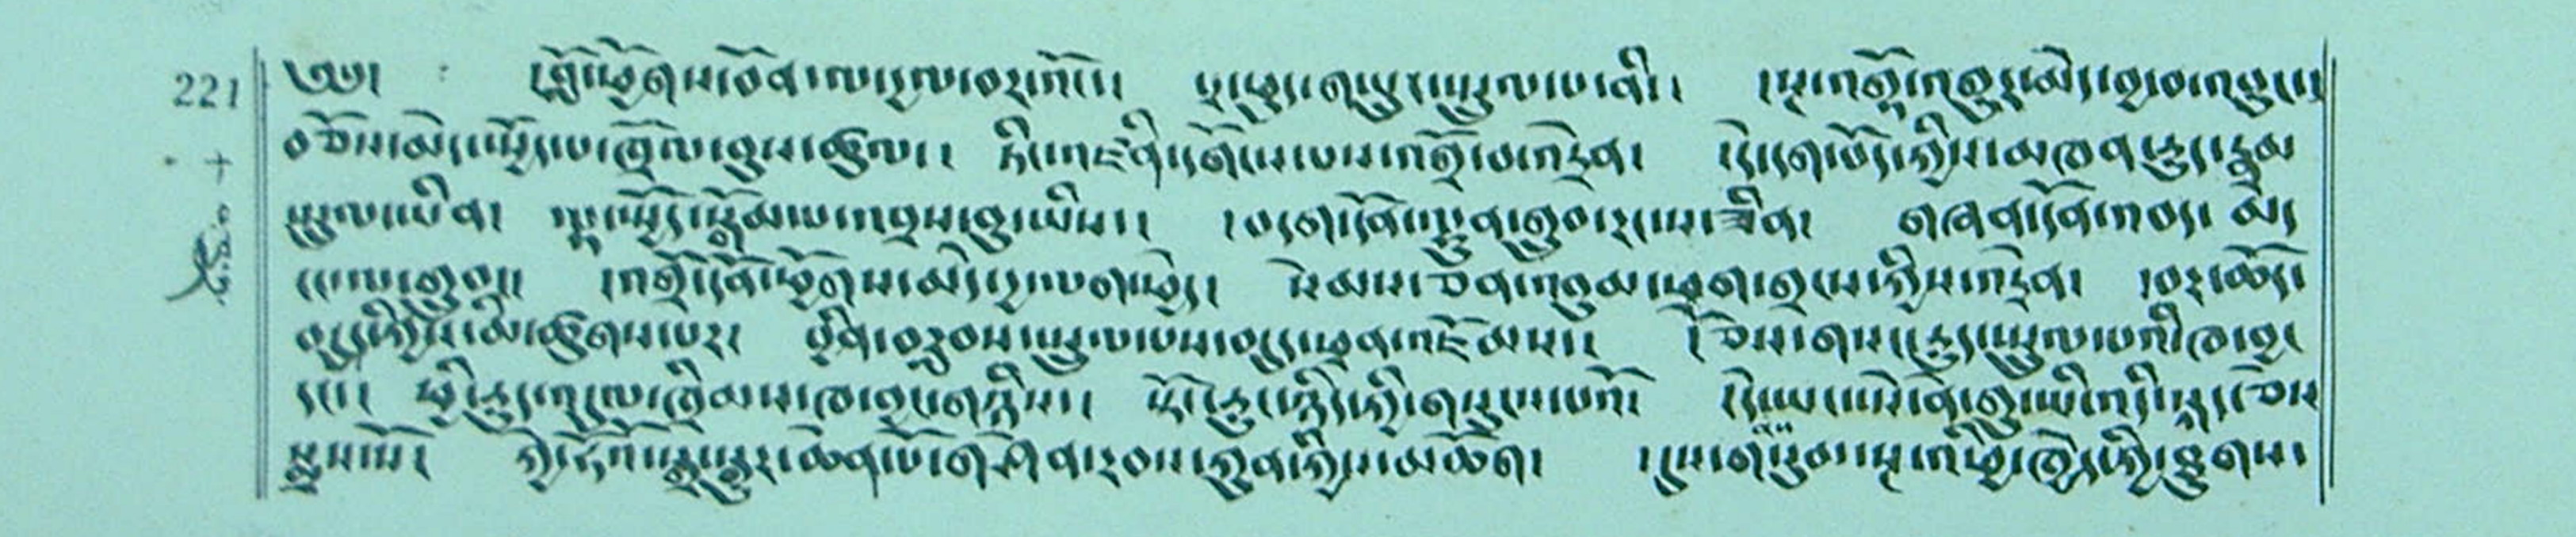༄༅། །བློ་ཕྱོགས་བོན་ལ་རྒྱལ་བར་འོང་། པྲ་ཕུད་གཡུང་དྲུང་སྤྲུལ་པ་ནི། སྔ་འགྷོ་འགྱུར་མེད་བྱ་བ་འབྱུང་།
 བཅོས་མེད་སྤྱོད་པ་ཁྲོམ་བུས་ཚུལ། ཏིང་འཛིན་དགོངས་པས་འགྲོ་བ་འདྲེན། དེ་དག་བོད་ཀྱི་མཁན་རྒྱུད་རྣམ་
སྤྲུལ་ཡིན། ལྟ་སྤྱོད་སྒོམ་པའི་འབྲས་བུ་ཡིས། བདག་དོན་ལྷུན་གྲུབ་རང་ས་ཟིན། གཞན་དོན་འབད་མེད་
ངང་ལ་གྲུབ། འགྲོ་དོན་ཕྱོགས་མེད་རྒྱ་ལག་ཕྱེད། སེམས་ཅན་འབུམ་ཕྲག་གྲངས་ཀྱིས་འདྲེན། བར་ཆོད་
བདུད་ཀྱིས་མི་ཚུགས་པར། བྱིན་རླབས་སྤྲུལ་པས་བདུད་ཕྲན་འཇོམས། ཅེས་གསང་རྒྱུད་སྤྲུལ་པའི་ཁ་བྱང་
དང་། ཕྱི་རྒྱུད་འདུལ་ཁྲིམས་ཁ་བྱང་གཉིས། སྟོང་རྒྱུང་ཉིད་ཀྱིས་གསུངས་པའོ། །དེ་ནས་སེ་ནེ་གུ་ཡི་འདི་སྐད་ཅེས་
སྨྲས་སོ། །ཀྱེ་ཧོའོ་སྒྲ་བསྒྱུར་ཆེན་པོ་གཤེན་རབས་ཀུན་ཀྱི་མཆོག དུས་གསུམ་སྔ་འཕྱི་ཁྱེད་ཀྱི་ཐུགས་